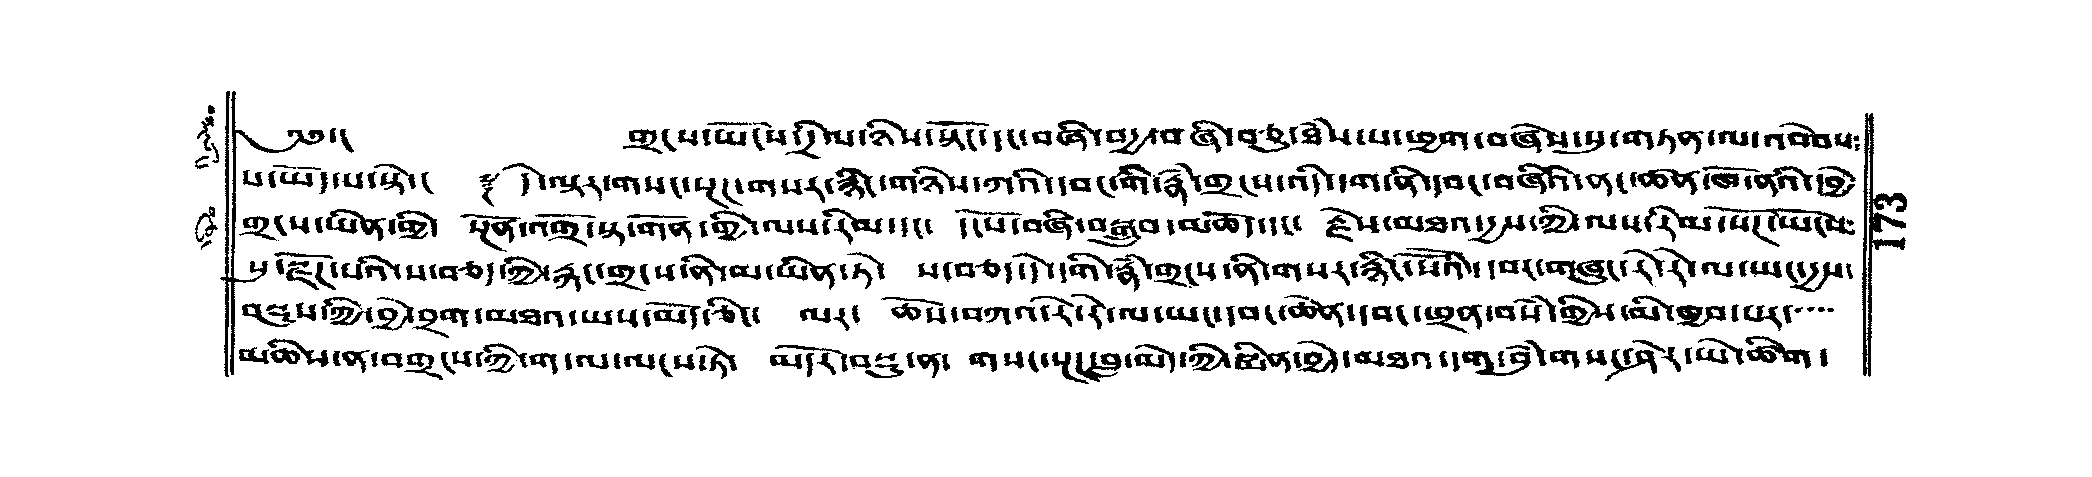གྲངས་ཡོངས་དྲིལ་ཉིས་སྟོང་དང་བཞི་བརྒྱ་བཞི་བཅུ་ཐམས་པ་ཕྱག་བཞེས་སུ་གཏན་ལ་འབེབས་
པར་ཡོད་པ་སྟེ། དེ་ལྟར་གསང་སྔགས་གསར་རྙིང་གཉིས་ཀའི་དབང་གི་རྣམ་གྲངས་འདི་དག་ནི་དབང་བཞིའི་ནང་ཚན་ཁོ་ནའི་དབྱེ་
གྲངས་ཡིན་གྱི། སྔོན་འགྲོ་སྟ་གོན་གྱི་ལས་རིམ་དང་། དངོས་བཞི་བསྒྲུབ་མཆོད་དང་། རྗེས་མཐའ་རྒྱས་ཀྱི་ལས་རིམ་སོགས་ཡོངས་
སུ་རྫོགས་པའི་ས་བཅད་ཀྱི་རྐང་གྲངས་ནི་མ་ཡིན་ཏེ། ས་བཅད་དེ་དག་གི་རྣམ་གྲངས་ནི་གསར་རྙིང་སོ་སོའི་དབང་གཞུང་རེ་རེ་ལ་ཡང་རྒྱས་
བསྡུས་ཀྱི་བྱེ་བྲག་མཐའ་ཡས་མོད་ཅིང་། ལར་ཆོས་བཀའ་རེ་རེ་ལ་ཡང་དབང་ཆེན་དབང་ཕྲན་བསམ་གྱིས་མི་ཁྱབ་པར་
མཆིས་ན་བགྲངས་ཀྱི་ག་ལ་ལངས་ཏེ། མདོར་བསྡུ་ན། གསང་སྔགས་བླ་མེད་ཀྱི་སྨིན་བྱེད་མཐའ་དག་བུམ་གསང་ཤེར་ཡེ་ཚིག་